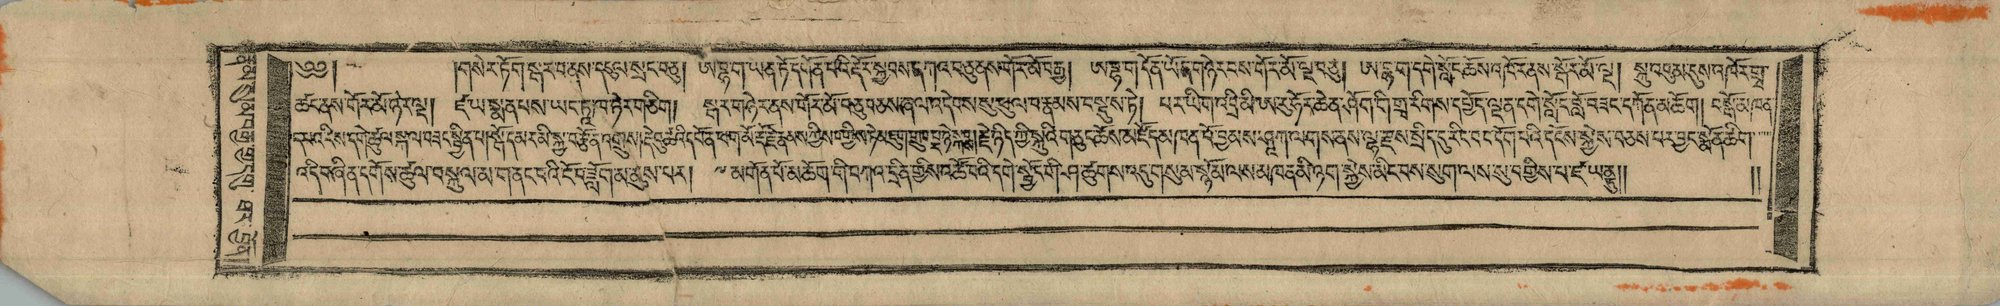༄༅། །གསེར་ཏོག་སྒར་བ་ནས་དངུལ་སྲང་བཅུ། ཨ་བྷ་ག་ཡན་ཏོ་དགོན་པའི་རྡོར་སྐྱབས་དཀའ་བཅུ་ནས་གོར་མོ་བརྒྱ། ཨ་བྷ་ག་དོན་ཡོན་གཉེར་བས་གོར་མོ་ལྔ་བཅུ། ཨ་བྷ་ག་དགེ་སློང་ཆོས་འཁོར་ནས་སྒོར་མོ་ལྔ། སྐུ་འབུམ་དུས་འཁོར་གྲྭ་
ཚང་ནས་གོར་མོ་ཉེར་ལྔ། ཛ་ཡ་སྨན་པས་ཡང་ཏཱ་ཁ་ཉེར་གཅིག །སྒར་གཉེར་ནས་གོར་མོ་བཅུ་བཅས་ཞལ་འདེབས་སུ་ཕུལ་བ་རྣམས་བསྡུས་ཏེ། པར་ཡིག་འབྲི་མི་ཨ་རུ་ཧོར་ཆེན་ཤོག་གི་གྲྭ་རིགས་དཔྱོད་ལྡན་དགེ་སློང་བློ་བཟང་དཀོན་མཆོག །བསྒོ་མཁན་
དཔའ་རིས་དགེ་ཚུལ་སྐལ་བཟང་སྦྱིན་པ། སྒོ་དམར་མི་སྐྱ་བརྩོན་འགྲུས། རྡེའུ་ཚའི་དཔོན་ཕག་མོ་རྡོ་རྗེ་རྣམས་ཀྱིས་བགྱིས་ཏེ་མཇུག་གྲུབ་པར་ཉེ་སྐབས། རྗེ་ཉིད་ཀྱི་སྐུའི་གཅུང་ཆོས་མཛོད་མཁན་པོ་བྱམས་ཤཱཀ་ལགས་ནས་ལྷ་རྫས་སྲིད་དུ་རིང་བ་བདོག་པའི་དངོས་སྐྱེས་བཅས་པར་བྱང་སྨོན་ཚིག་
འདི་བཞིན་དགོས་ཚུལ་བསྐུལ་མ་གནང་བའི་ངོ་བཟློག་མ་ནུས་པར། ༧་མགོན་པོ་མཆོག་གི་བཀའ་དྲིན་གྱིས་འཚོ་བའི་དགེ་སྦྱོང་གི་ཤ་ཚུགས་འདུ་གསུམ་སྙོམ་ལས་མཁན་མི་ཉག་སྐྱེས་མིང་བས་སུག་ལས་སུ་བགྱིས་པ་ཛ་ཡནྟུ།། །།